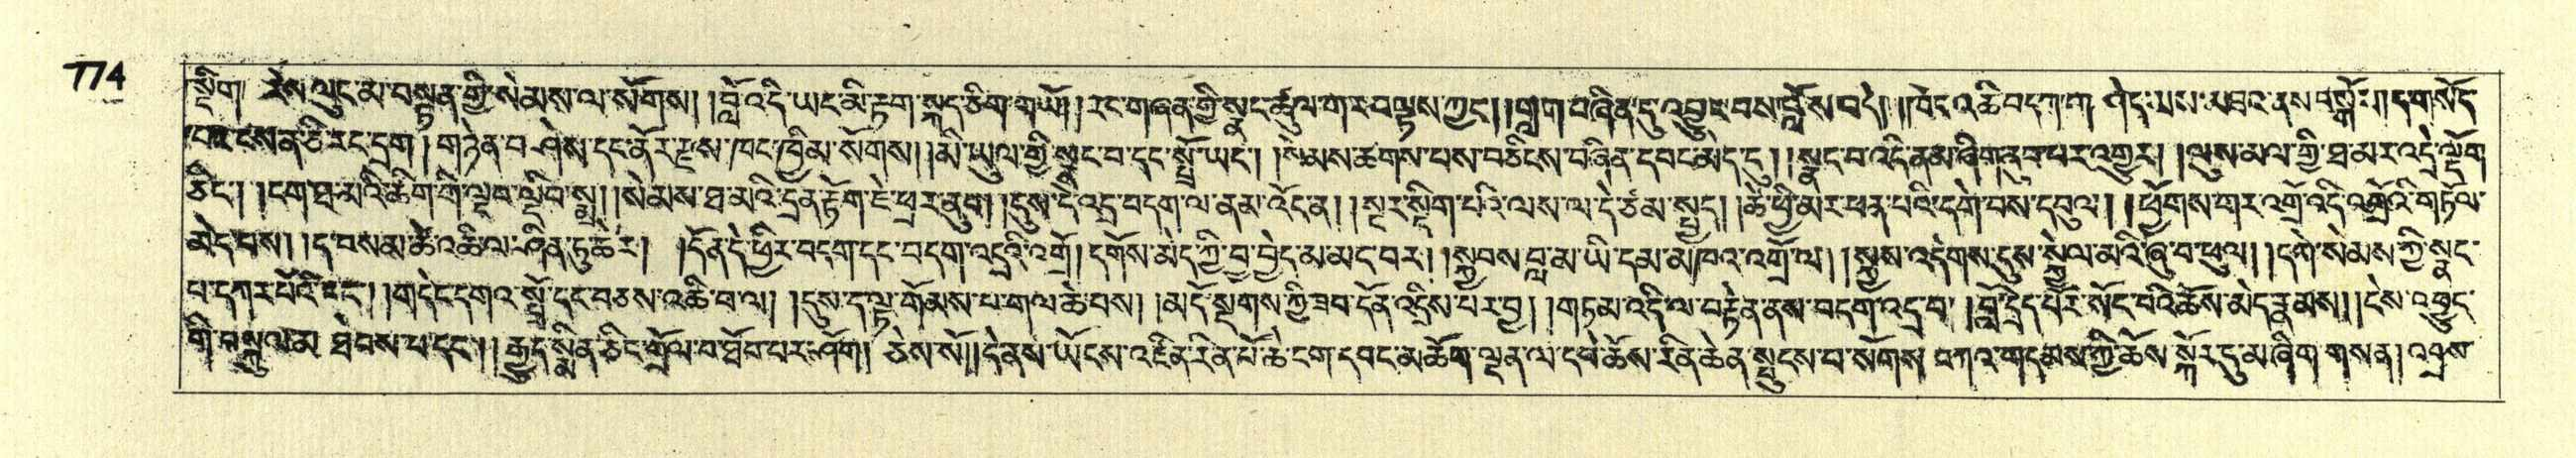སྡིག། རེས་ལུང་མ་བསྟན་གྱི་སེམས་ལ་སོགས། །བློ་འདི་ཡང་མི་རྟག་སྐད་ཅིག་གཡོ། །རང་གཞན་གྱི་སྣང་ཚུལ་གར་བལྟས་ཀྱང་། །གླག་བཞིན་དུ་འབྱུང་བས་བློ་ས་བདེ། །ཁེང་འཆི་བདག་གཤེད་ལས་མཐའ་ནས་བསྒོས། །ད་གསོད་
པར་ངས?་ན་ཅི་རང་དྲག། གཉེན་བཤེས་དང་ནོར་རྫས་ཁང་ཁྱིམ་སོགས། །མི་ཡུལ་གྱི་སྣང་བ་དང་སྤྲོ་ཡང་། །སེམས་ཆགས་པས་བཅིངས་བཞིན་དབང་མེད་དུ། །སྣང་བ་འདི་ནམ་ཞིག་ནུབ་པར་འགྱུར། །ལུས་མལ་གྱི་ཐ་མར་འདྲེ་ལྡོག་
ཅིང་། །ངག་ཐ་མའི་ཚིག་གི་ལྔ་བ་ལྡིབ་སྨྲ། །སེམས་ཐ་མའི་དྲན་རྟོག་ཇེ་ཕྲར་ནུབ། །དུས་དེ་འདྲ་བདག་ལ་ནམ་འོད་ན། །སྔར་སྡིག་པའི་ལས་ལ་དེ་ཙམ་སྤྱད། །ཚེ་ཕྱི་མར་ཕན་པའི་དགེ་བས་དབུལ། །ཕྱོགས་གར་འགྲོ་འདི་འགྲོའི་གཏོལ་
མེད་པས། །ད་བསམ་ཚེ་འཆི་ལ་ཤིན་ཏུ་ཆེར། །དོན་དེ་ཕྱིར་བདག་དང་བདག་འདྲའི་འགྲོ། །དགོས་མེད་ཀྱི་བྱ་བྱེད་མ་མང་བར། །སྐྱབས་བླ་མ་ཡི་དམ་མཁའ་འགྲོ་ལ། །སྐྱབས་འདེགས་དུས་སྐྱེལ་མའི་ཞུ་བ་ཕུལ། །དགེ་སེམས་ཀྱི་སྣང་
པ་དཀར་པོའི་དང་། །གདེང་དགའ་སྤྲོ་དང་བཅས་འཆི་བ་ལ། །དུས་ད་ལྟ་གོམས་པ་གལ་ཆེ་བས། །མདོ་སྔགས་ཀྱི་ཟབ་དོན་འདྲིས་པར་བྱ། །གཏམ་འདི་ལ་བརྟེན་ནས་བདག་འདྲ་བ། །བློ་དྲེད་པོར་སོང་པའི་ཆོས་མེད་རྣམས། །ངེས་འཕྱུང་
གི་བསྐུལ་མ་ཐེབས་པ་དང་། །རྒྱུད་སྨིན་ཅིང་གྲོ་ལྦ་ཐོབ་པར་ཤོག། ཅེས་སོ། །དེ་ནས་ཡོངས་འཛིན་རིན་པོ་ཆེ་ངག་དབང་མཆོག་ལྡན་ལ་དཔེ་ཆོས་རིན་ཆེན་སྤུངས་པ་སོགས་བཀའ་གདམས་ཀྱི་ཆོས་སྐོར་དུ་མ་ཞིག་གསན། འབྲས་